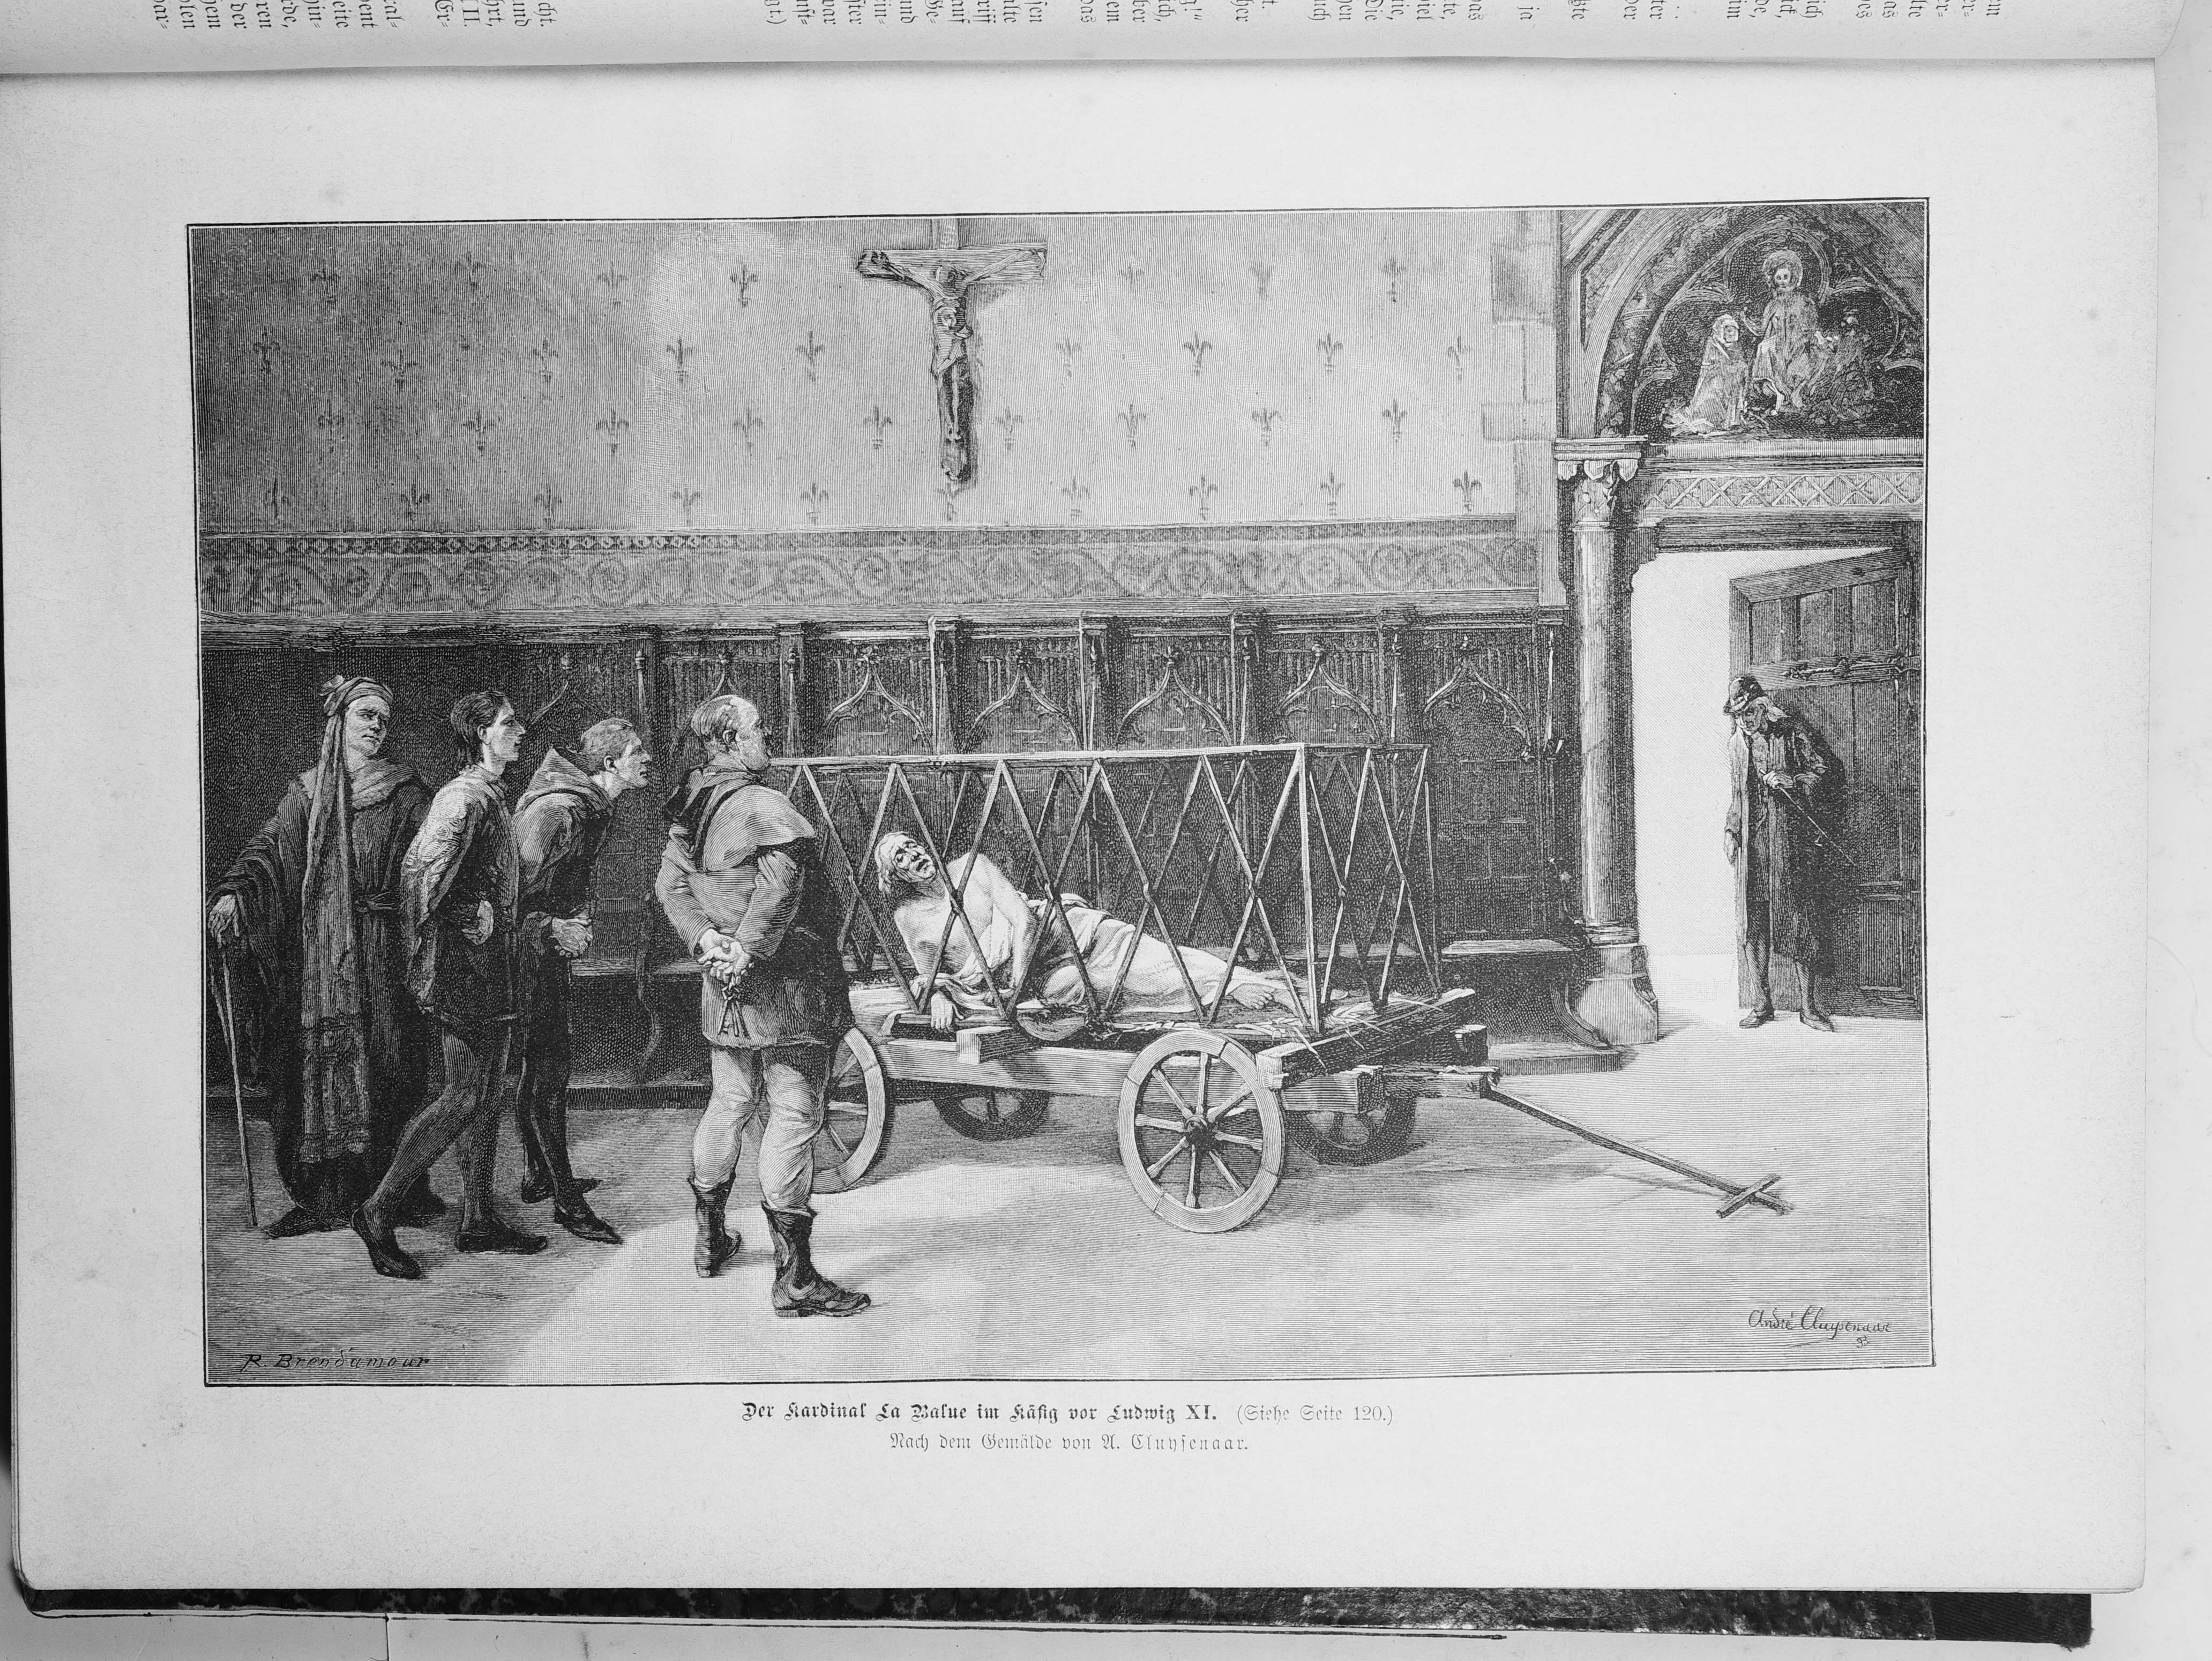Der Kardinal La Balue im Käfig vor Ludwig XI. (Siehe Seite 120.)
Nach dem Gemälde von A. Cluysenaar.
